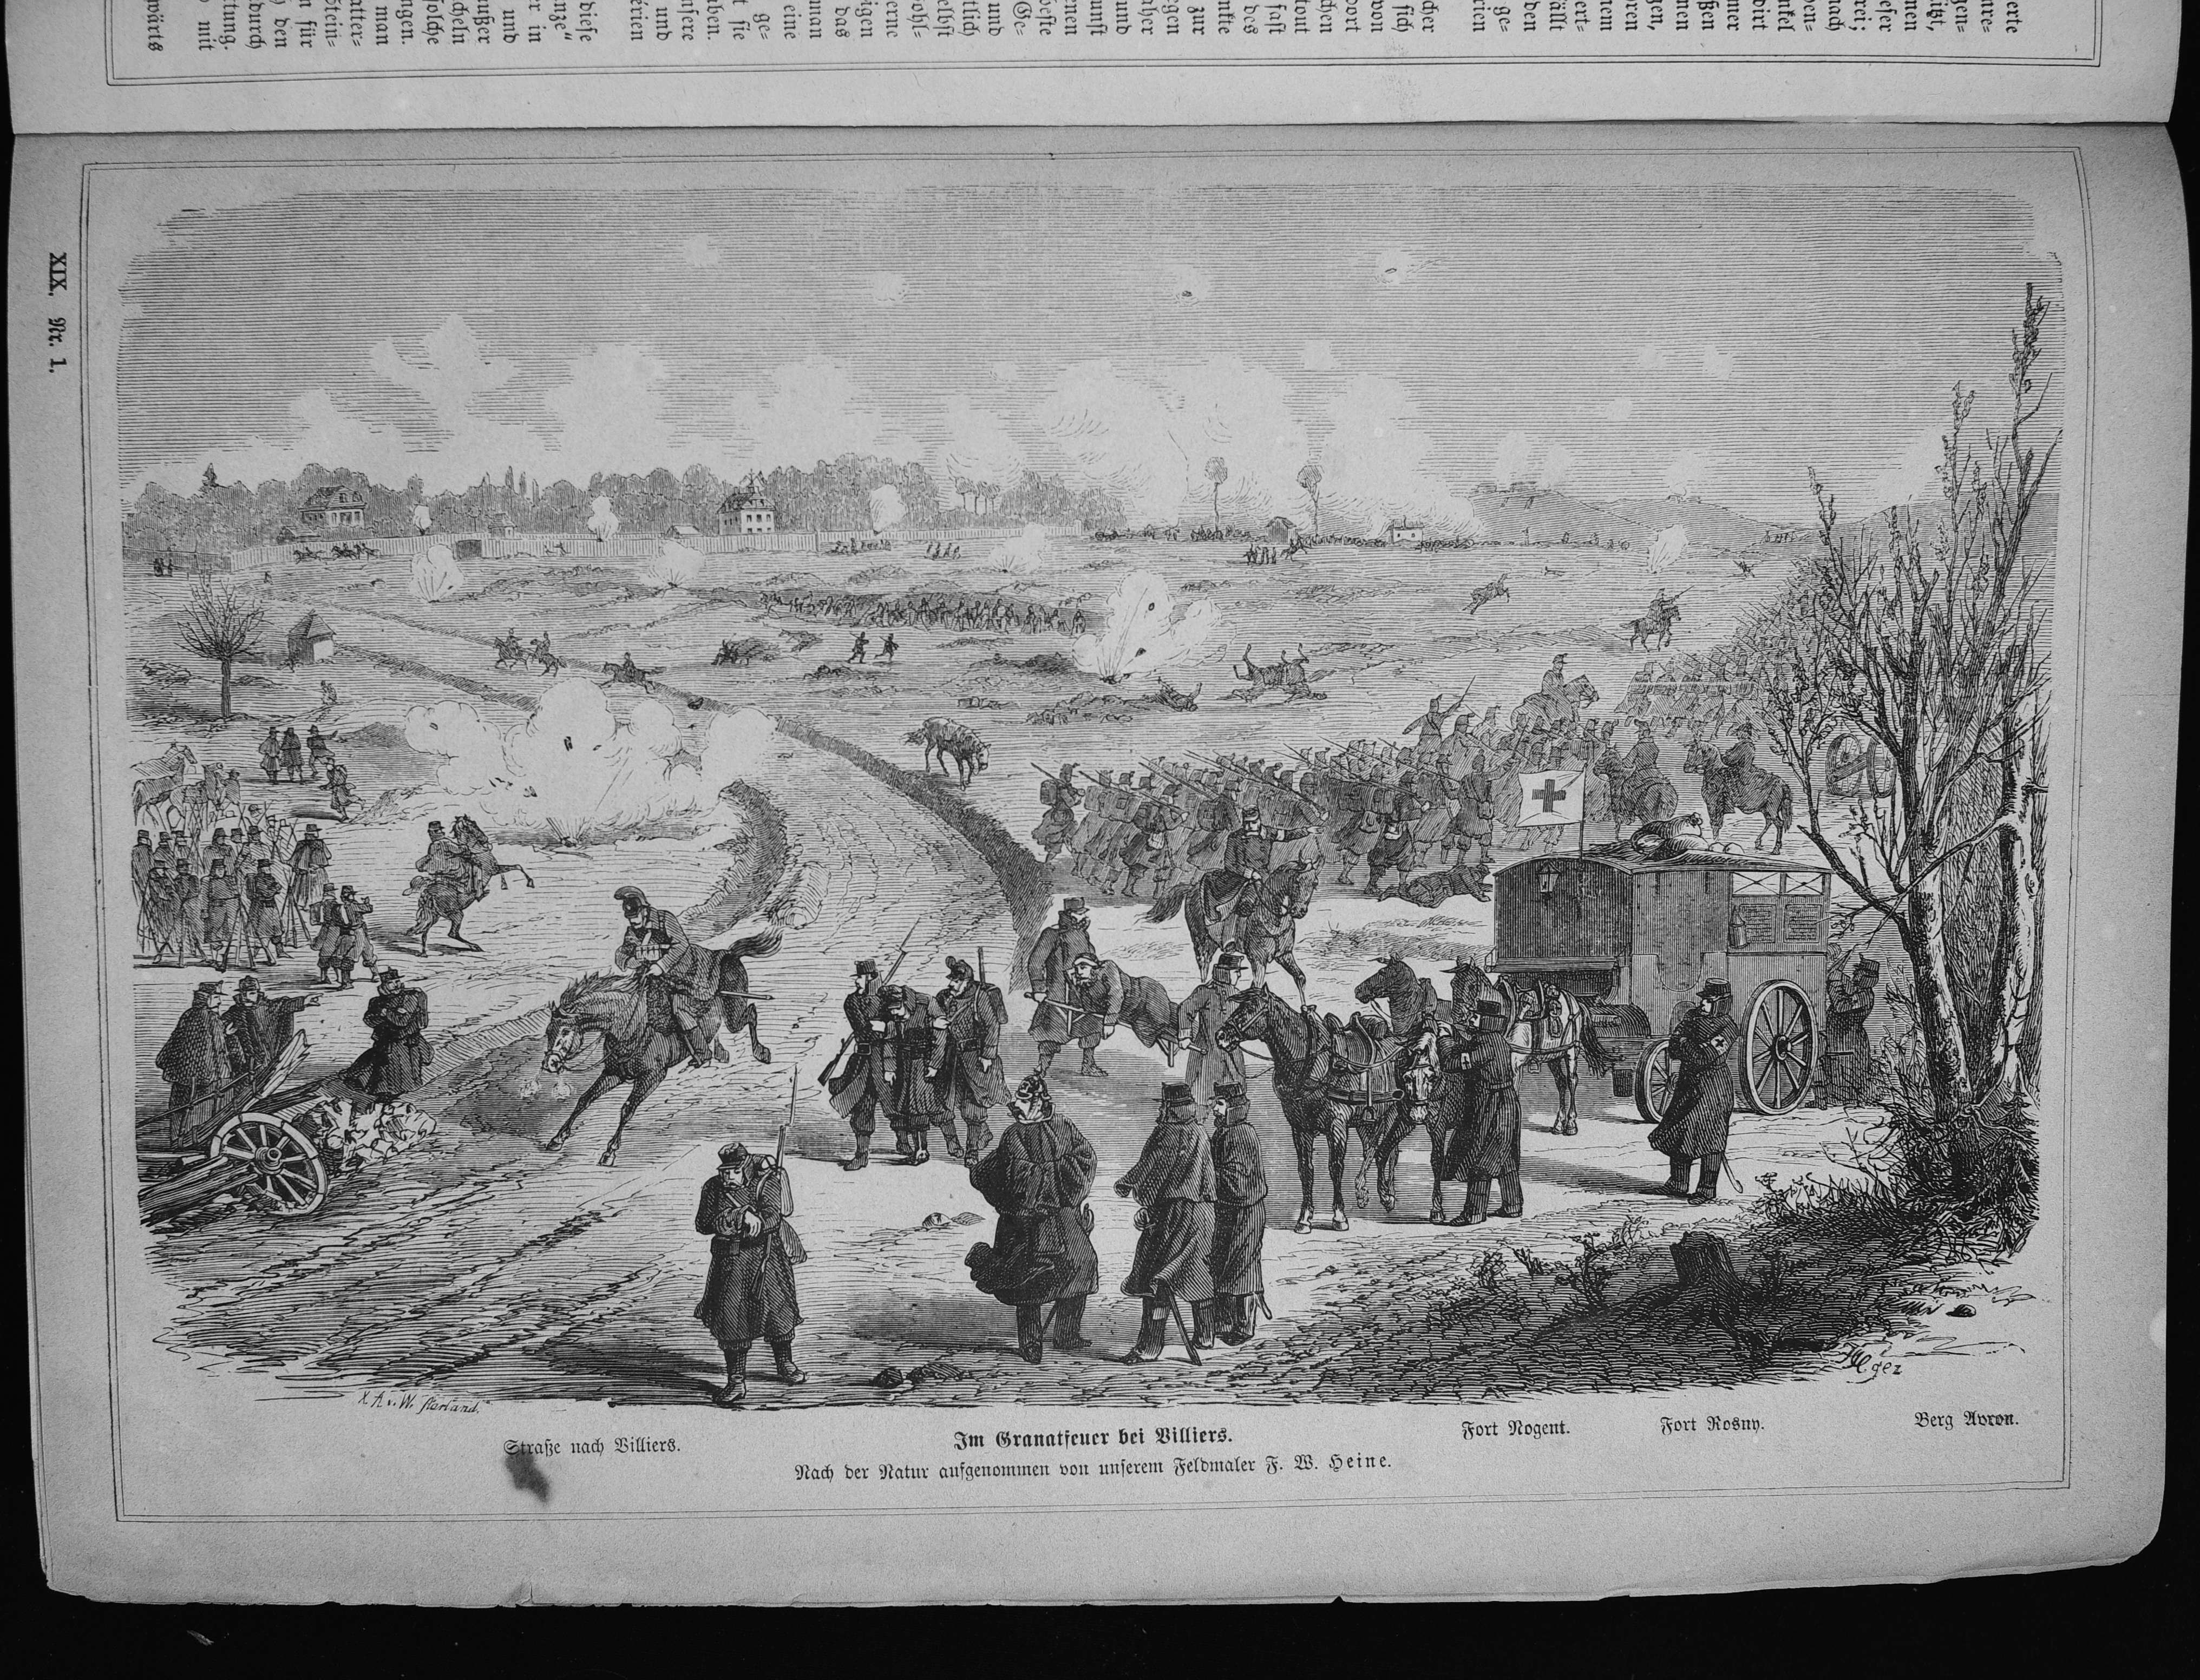Im Granatfeuer bei Villiers.
Nach der Natur aufgenommen von unserem Feldmaler F. W. Heine.
Straße nach Villiers. Fort Nogent. Fort Rosny. Berg Avron.
